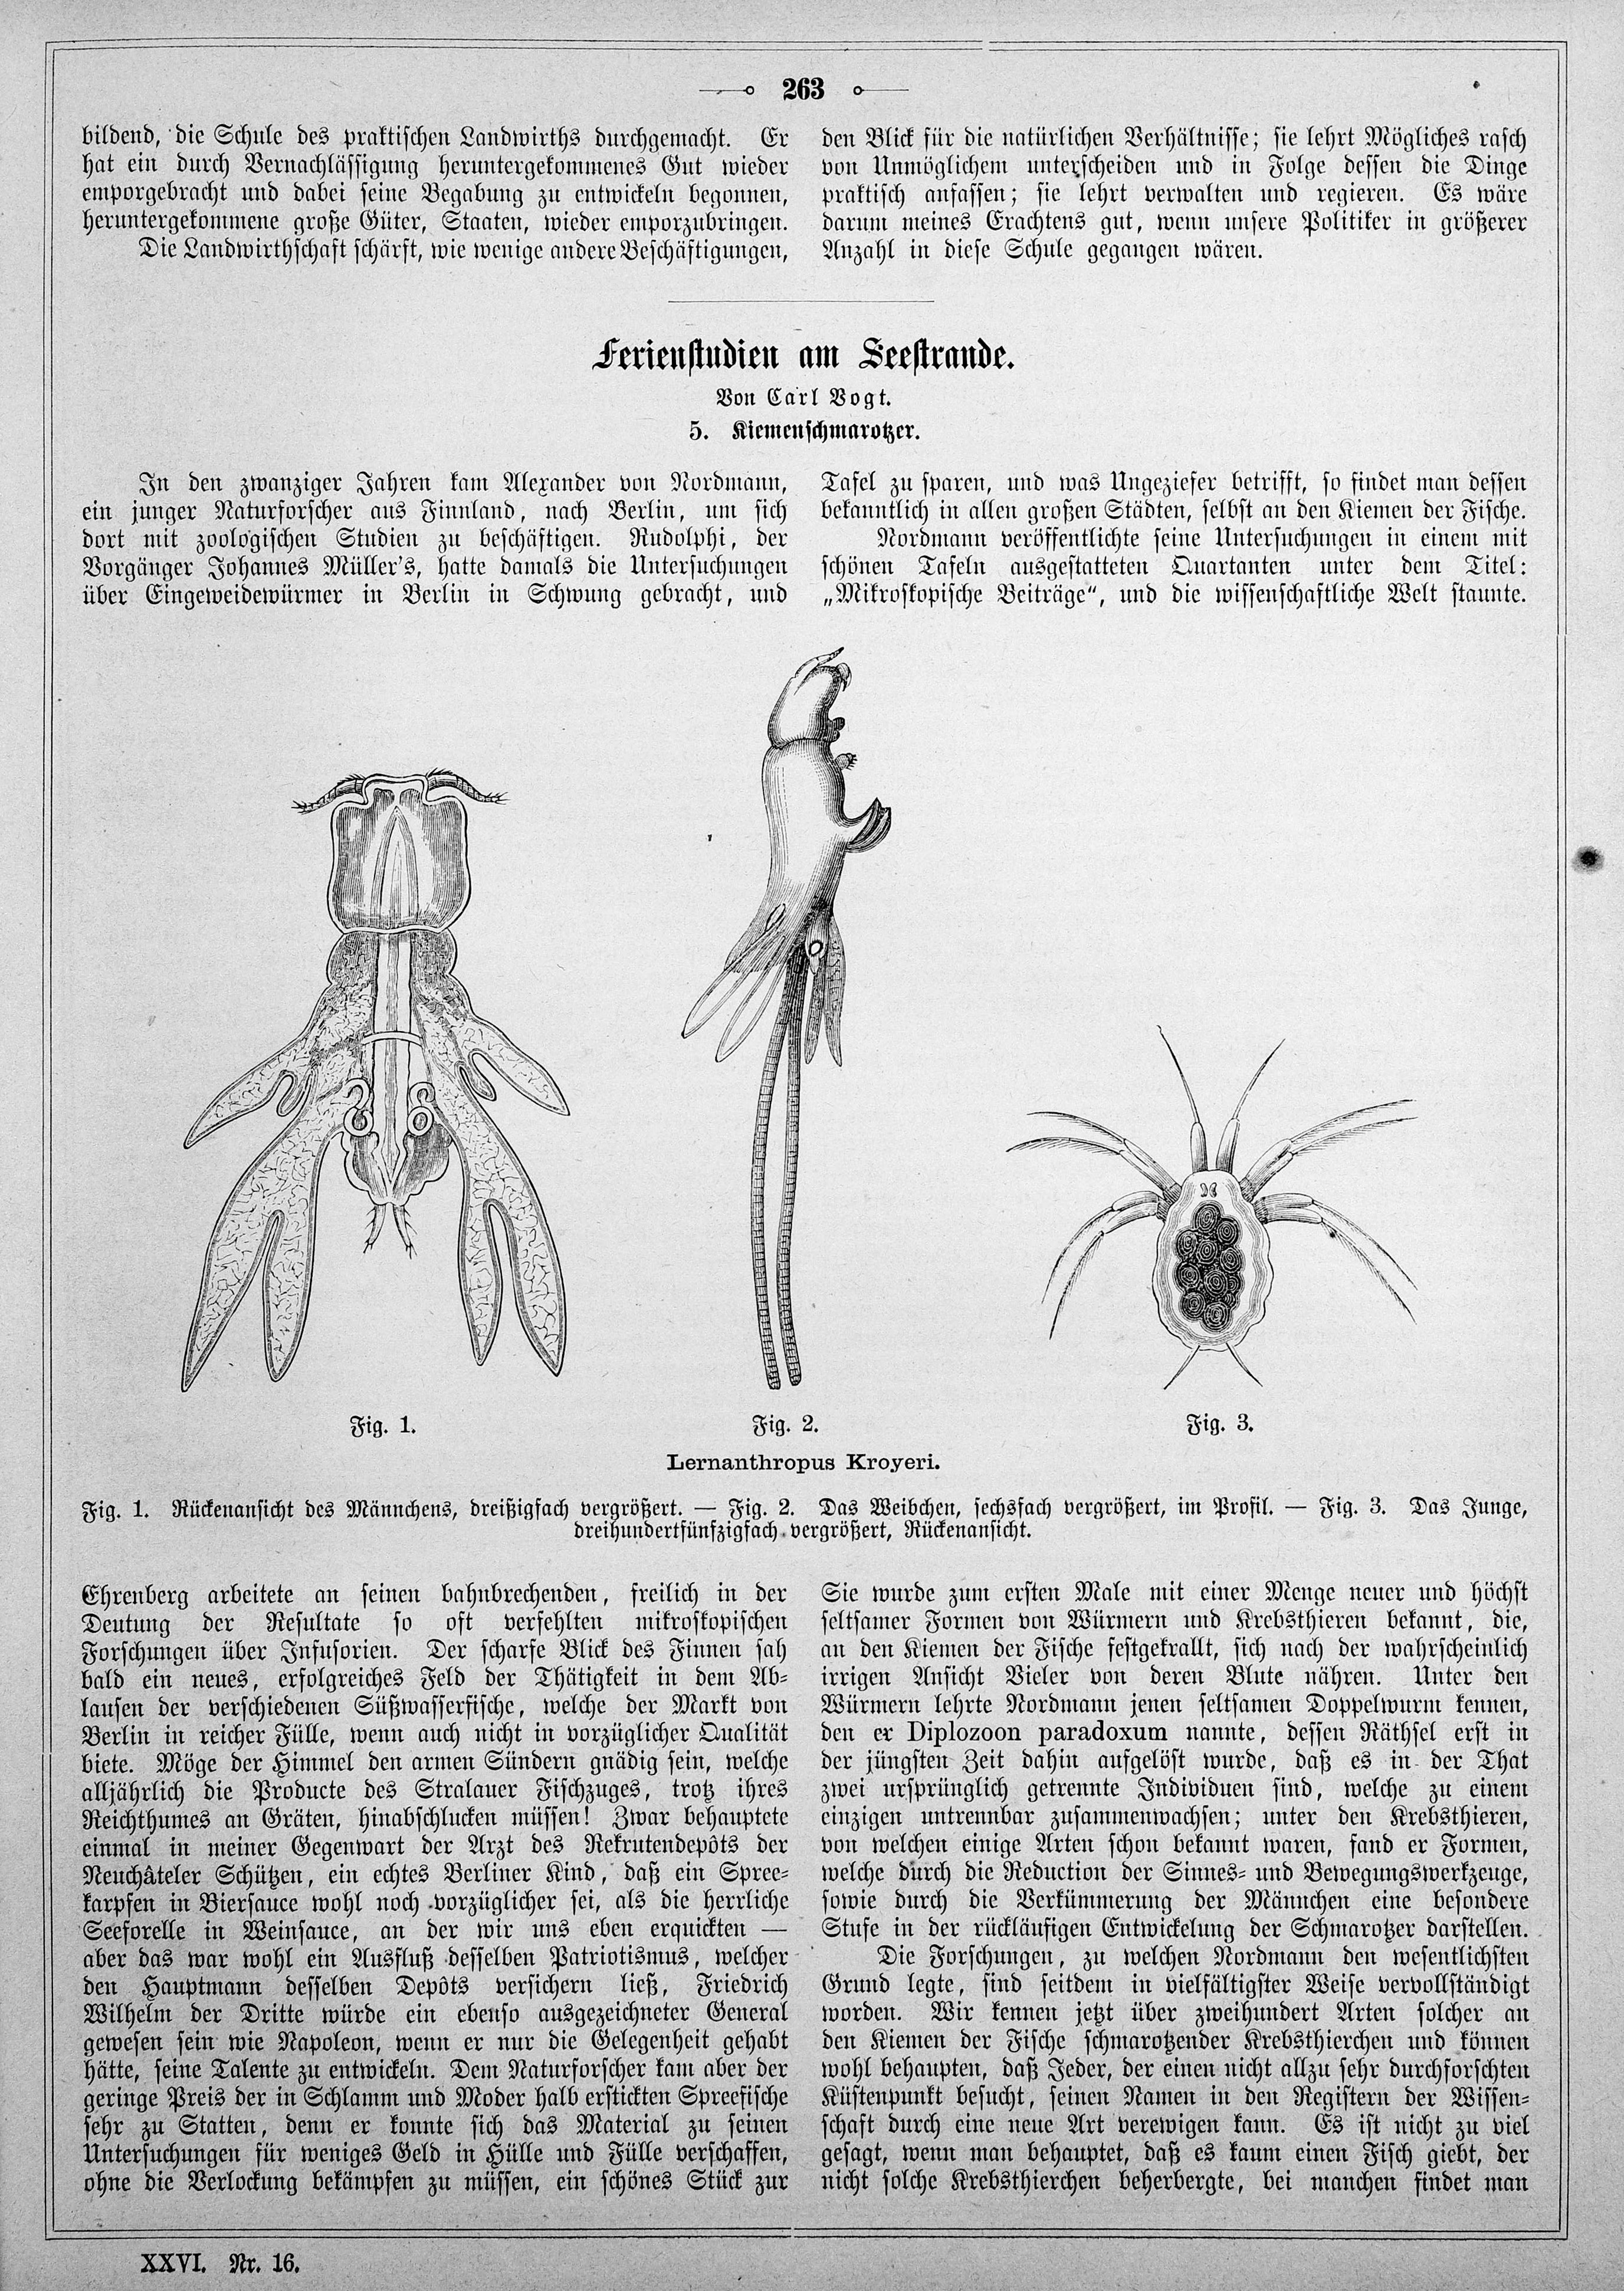bildend, die Schule des praktischen Landwirths durchgemacht. Er hat ein durch Vernachlässigung heruntergekommenes Gut wieder emporgebracht und dabei seine Begabung zu entwickeln begonnen, heruntergekommene große Güter, Staaten, wieder emporzubringen.

Die Landwirthschaft schärft, wie wenige andere Beschäftigungen, den Blick für die natürlichen Verhältnisse; sie lehrt Mögliches rasch von Unmöglichem unterscheiden und in Folge dessen die Dinge praktisch anfassen; sie lehrt verwalten und regieren. Es wäre darum meines Erachtens gut, wenn unsere Politiker in größerer Anzahl in diese Schule gegangen wären.

Ferienstudien am Seestrande.
Von Carl Vogt.
5. Kiemenschmarotzer.

In den zwanziger Jahren kam Alexander von Nordmann, ein junger Naturforscher aus Finnland, nach Berlin, um sich dort mit zoologischen Studien zu beschäftigen. Rudolphi, der Vorgänger Johannes Müller’s, hatte damals die Untersuchungen über Eingeweidewürmer in Berlin in Schwung gebracht, und Ehrenberg arbeitete an seinen bahnbrechenden, freilich in der Deutung der Resultate so oft verfehlten mikroskopischen Forschungen über Infusorien. Der scharfe Blick des Finnen sah bald ein neues, erfolgreiches Feld der Thätigkeit in dem Ablaufen der verschiedenen Süßwasserfische, welche der Markt von Berlin in reicher Fülle, wenn auch nicht in vorzüglicher Qualität biete. Möge der Himmel den armen Sündern gnädig sein, welche alljährlich die Producte des Stralauer Fischzuges, trotz ihres Reichthumes an Gräten, hinabschlucken müssen! Zwar behauptete einmal in meiner Gegenwart der Arzt des Rekrutendepôts der Neuchâteler Schützen, ein echtes Berliner Kind, daß ein Spreekarpfen in Biersauce wohl noch vorzüglicher sei, als die herrliche Seeforelle in Weinsauce, an der wir uns eben erquickten – aber das war wohl ein Ausfluß desselben Patriotismus, welcher den Hauptmann desselben Depôts versichern ließ, Friedrich Wilhelm der Dritte würde ein ebenso ausgezeichneter General gewesen sein wie Napoleon, wenn er nur die Gelegenheit gehabt hätte, seine Talente zu entwickeln. Dem Naturforscher kann aber der geringe Preis der in Schlamm und Moder halb erstickten Spreefische sehr zu Statten, denn er konnte sich das Material zu seinen Untersuchungen für weniges Geld in Hülle und Fülle verschaffen, ohne die Verlockung bekämpfen zu müssen, ein schönes Stück zur Tafel zu sparen, und was Ungeziefer betrifft, so findet man dessen bekanntlich in allen großen Städten, selbst an den Kiemen der Fische.

Lernanthropus Kroyeri.
Fig. 1. Rückenansicht des Männchens, dreißigfach vergrößert. – Fig. 2. Das Weibchen, sechsfach vergrößert, im Profil. – Fig. 3. Das Junge, dreihundertfünfzigfach vergrößert, Rückenansicht.

Nordmann verdeutlichte seine Untersuchungen in einem mit schönen Tafeln ausgestatteten Quartanten unter dem Titel: „Mikroskopische Beiträge“, und die wissenschaftliche Welt staunte. Sie wurde zum ersten Male mit einer Menge neuer und höchst seltsamer Formen von Würmern und Krebsthieren bekannt, die, an den Kiemen der Fische festgekrallt, sich nach der wahrscheinlich irrigen Ansicht Vieler von deren Blute nähren. Unter den Würmern lehrte Nordmann jenen seltsamen Doppelwurm kennen, den er Diplozoon paradoxum nannte, dessen Räthsel erst in der jüngsten Zeit dahin aufgelöst wurde, daß es in der That zwei ursprünglich getrennte Individuen sind, welche zu einem einzigen untrennbar zusammenwachsen; unter den Krebsthieren, von welchen einige Arten schon bekannt waren, fand er Formen, welche durch die Reduction der Sinnes- und Bewegungswerkzeuge, sowie durch die Verkümmerung der Männchen eine besondere Stufe in der rückläufigen Entwickelung der Schmarotzer darstellen.

Die Forschungen, zu welchen Nordmann den wesentlichsten Grund legte, sind seitdem in vielfältigster Weise vervollständigt worden. Wir kennen jetzt über zweihundert Arten solcher an den Kiemen der Fische schmarotzender Krebsthierchen und können wohl behaupten, daß Jeder, der einen nicht allzu sehr durchforschten Küstenpunkt besucht, seinen Namen in den Registern der Wissenschaft durch eine neue Art verewigen kann. Es ist nicht zu viel gesagt, wenn man behauptet, daß es kaum einen Fisch giebt, der nicht solche Krebsthierchen beherbergte, bei manchen findet man
